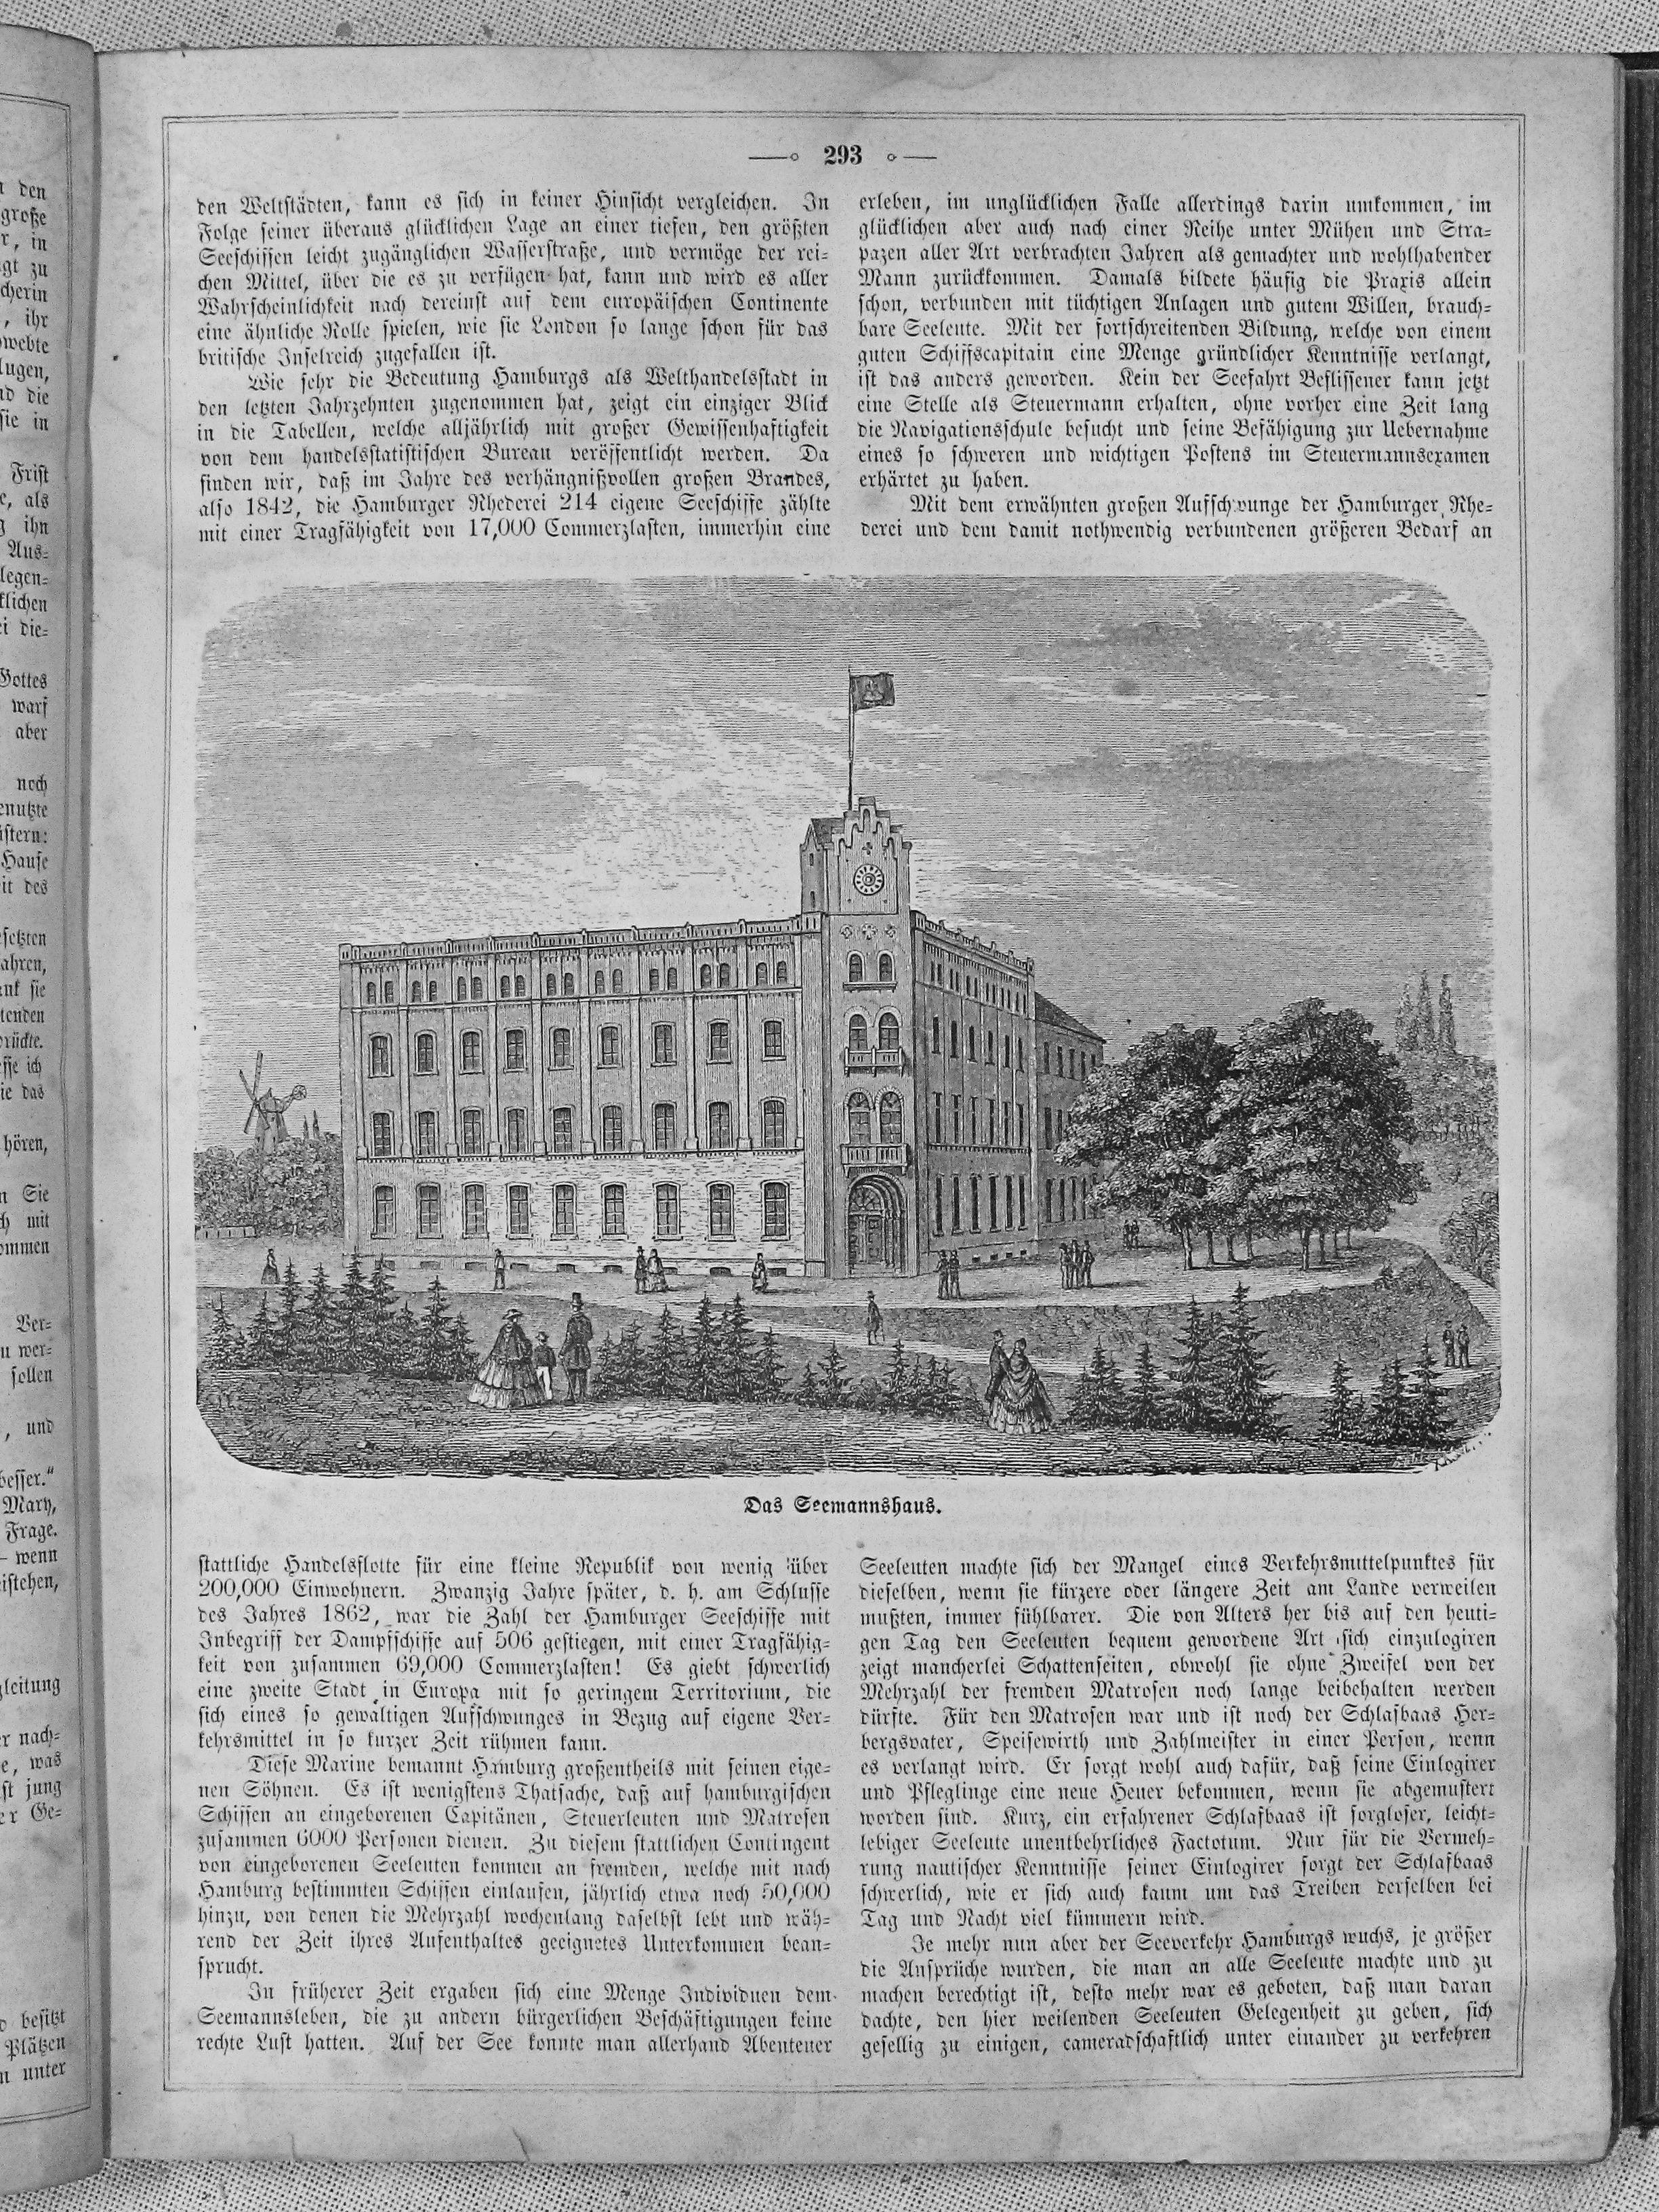den Weltstädten, kann es sich in keiner Hinsicht vergleichen. In Folge seiner überaus glücklichen Lage an einer tiefen, den größten Seeschiffen leicht zugänglichen Wasserstraße, und vermöge der reichen Mittel, über die es zu verfügen hat, kann und wird es aller Wahrscheinlichkeit nach dereinst auf dem europäischen Continente eine ähnliche Rolle spielen, wie sie London so lange schon für das britische Inselreich zugefallen ist.

Wie sehr die Bedeutung Hamburgs als Welthandelsstadt in den letzten Jahrzehnten zugenommen hat, zeigt ein einziger Blick in die Tabellen, welche alljährlich mit großer Gewissenhaftigkeit von dem handelsstatistischen Bureau veröffentlicht werden. Da finden wir, daß im Jahre des verhängnißvollen großen Brandes, also 1842, die Hamburger Rhederei 214 eigene Seeschiffe zählte mit einer Tragfähigkeit von 17,000 Commerzlasten, immerhin eine

Das Seemannshaus.

stattliche Handelsflotte für eine kleine Republik von wenig über 200,000 Einwohnern. Zwanzig Jahre später, d. h. am Schlusse des Jahres 1862, war die Zahl der Hamburger Seeschiffe mit Inbegriff der Dampfschiffe auf 506 gestiegen, mit einer Tragfähigkeit von zusammen 69,000 Commerzlasten! Es giebt schwerlich eine zweite Stadt in Europa mit so geringem Territorium, die sich eines so gewaltigen Aufschwunges in Bezug auf eigene Verkehrsmittel in so kurzer Zeit rühmen kann.

Diese Marine bemannt Hamburg großenteils mit seinen eigenen Söhnen. Es ist wenigstens Thatsache, daß auf hamburgischen Schiffen an eingeborenen Kapitänen, Steuerleuten und Matrosen zusammen 6000 Personen dienen. Zu diesem stattlichen Contingent von eingeborenen Seeleuten kommen an fremden, welche mit nach Hamburg bestimmten Schiffen einlaufen, jährlich etwa noch 50.000 hinzu, von denen die Mehrzahl wochenlang daselbst lebt und während der Zeit ihres Aufenthaltes geeignetes Unterkommen beansprucht.

In früherer Zeit ergaben sich eine Menge Individuen dem Seemannsleben, die zu andern bürgerlichen Beschäftigungen keine rechte Lust hatten. Auf der See konnte man allerhand Abenteuer erleben, im unglücklichen Falle allerdings darin umkommen, im glücklichen aber auch nach einer Reihe unter Mühen und Strapazen aller Art verbrachten Jahren als gemachter und wohlhabender Mann zurückkommen. Damals bildete häufig die Praxis allein schon, verbunden mit tüchtigen Anlagen und gutem Willen, brauchbare Seeleute. Mit der fortschreitenden Bildung, welche von einem guten Schiffscapitain eine Menge gründlicher Kenntnisse verlangt, ist das anders geworden. Kein der Seefahrt Beflissener kann jetzt eine Stelle als Steuermann erhalten, ohne vorher eine Zeit lang die Navigationsschule besucht und seine Befähigung zur Uebernahme eines so schweren und wichtigen Postens im Steuermannsexamen erhärtet zu haben.

Mit dem erwähnten großen Aufschwunge der Hamburger Rhederei und dem damit nothwendig verbundenen größeren Bedarf an Seeleuten machte sich der Mangel eines Verkehrsmittelpunktes für dieselben, wenn sie kürzere oder längere Zeit am Lande verweilen mußten, immer fühlbarer. Die von Alters her bis auf den heutigen Tag den Seeleuten bequem gewordene Art sich einzulogiren zeigt mancherlei Schattenseiten, obwohl sie ohne Zweifel von der Mehrzahl der fremden Matrosen noch lange beibehalten werden dürfte. Für den Matrosen war und ist noch der Schlafbaas Herbergsvater, Speisewirth und Zahlmeister in einer Person, wenn es verlangt wird. Er sorgt wohl auch dafür, daß seine Einlogirer und Pfleglinge eine neue Heuer bekommen, wenn sie abgemustert worden sind. Kurz, ein erfahrener Schlafbaas ist sorgloser, leichtlebiger Seeleute unentbehrliches Factotum. Nur für die Vermehrung nautischer Kenntnisse seiner Einlogirer sorgt der Schlafbaas schwerlich, wie er sich auch kaum um das Treiben derselben bei Tag und Nacht viel kümmern wird.

Je mehr nun aber der Seeverkehr Hamburgs wuchs, je größer die Ansprüche wurden, die man an alle Seeleute machte und zu machen berechtigt ist, desto mehr war es geboten, daß man daran dachte, den hier weilenden Seeleuten Gelegenheit zu geben, sich gesellig zu einigen, cameradschaftlich unter einander zu verkehren
